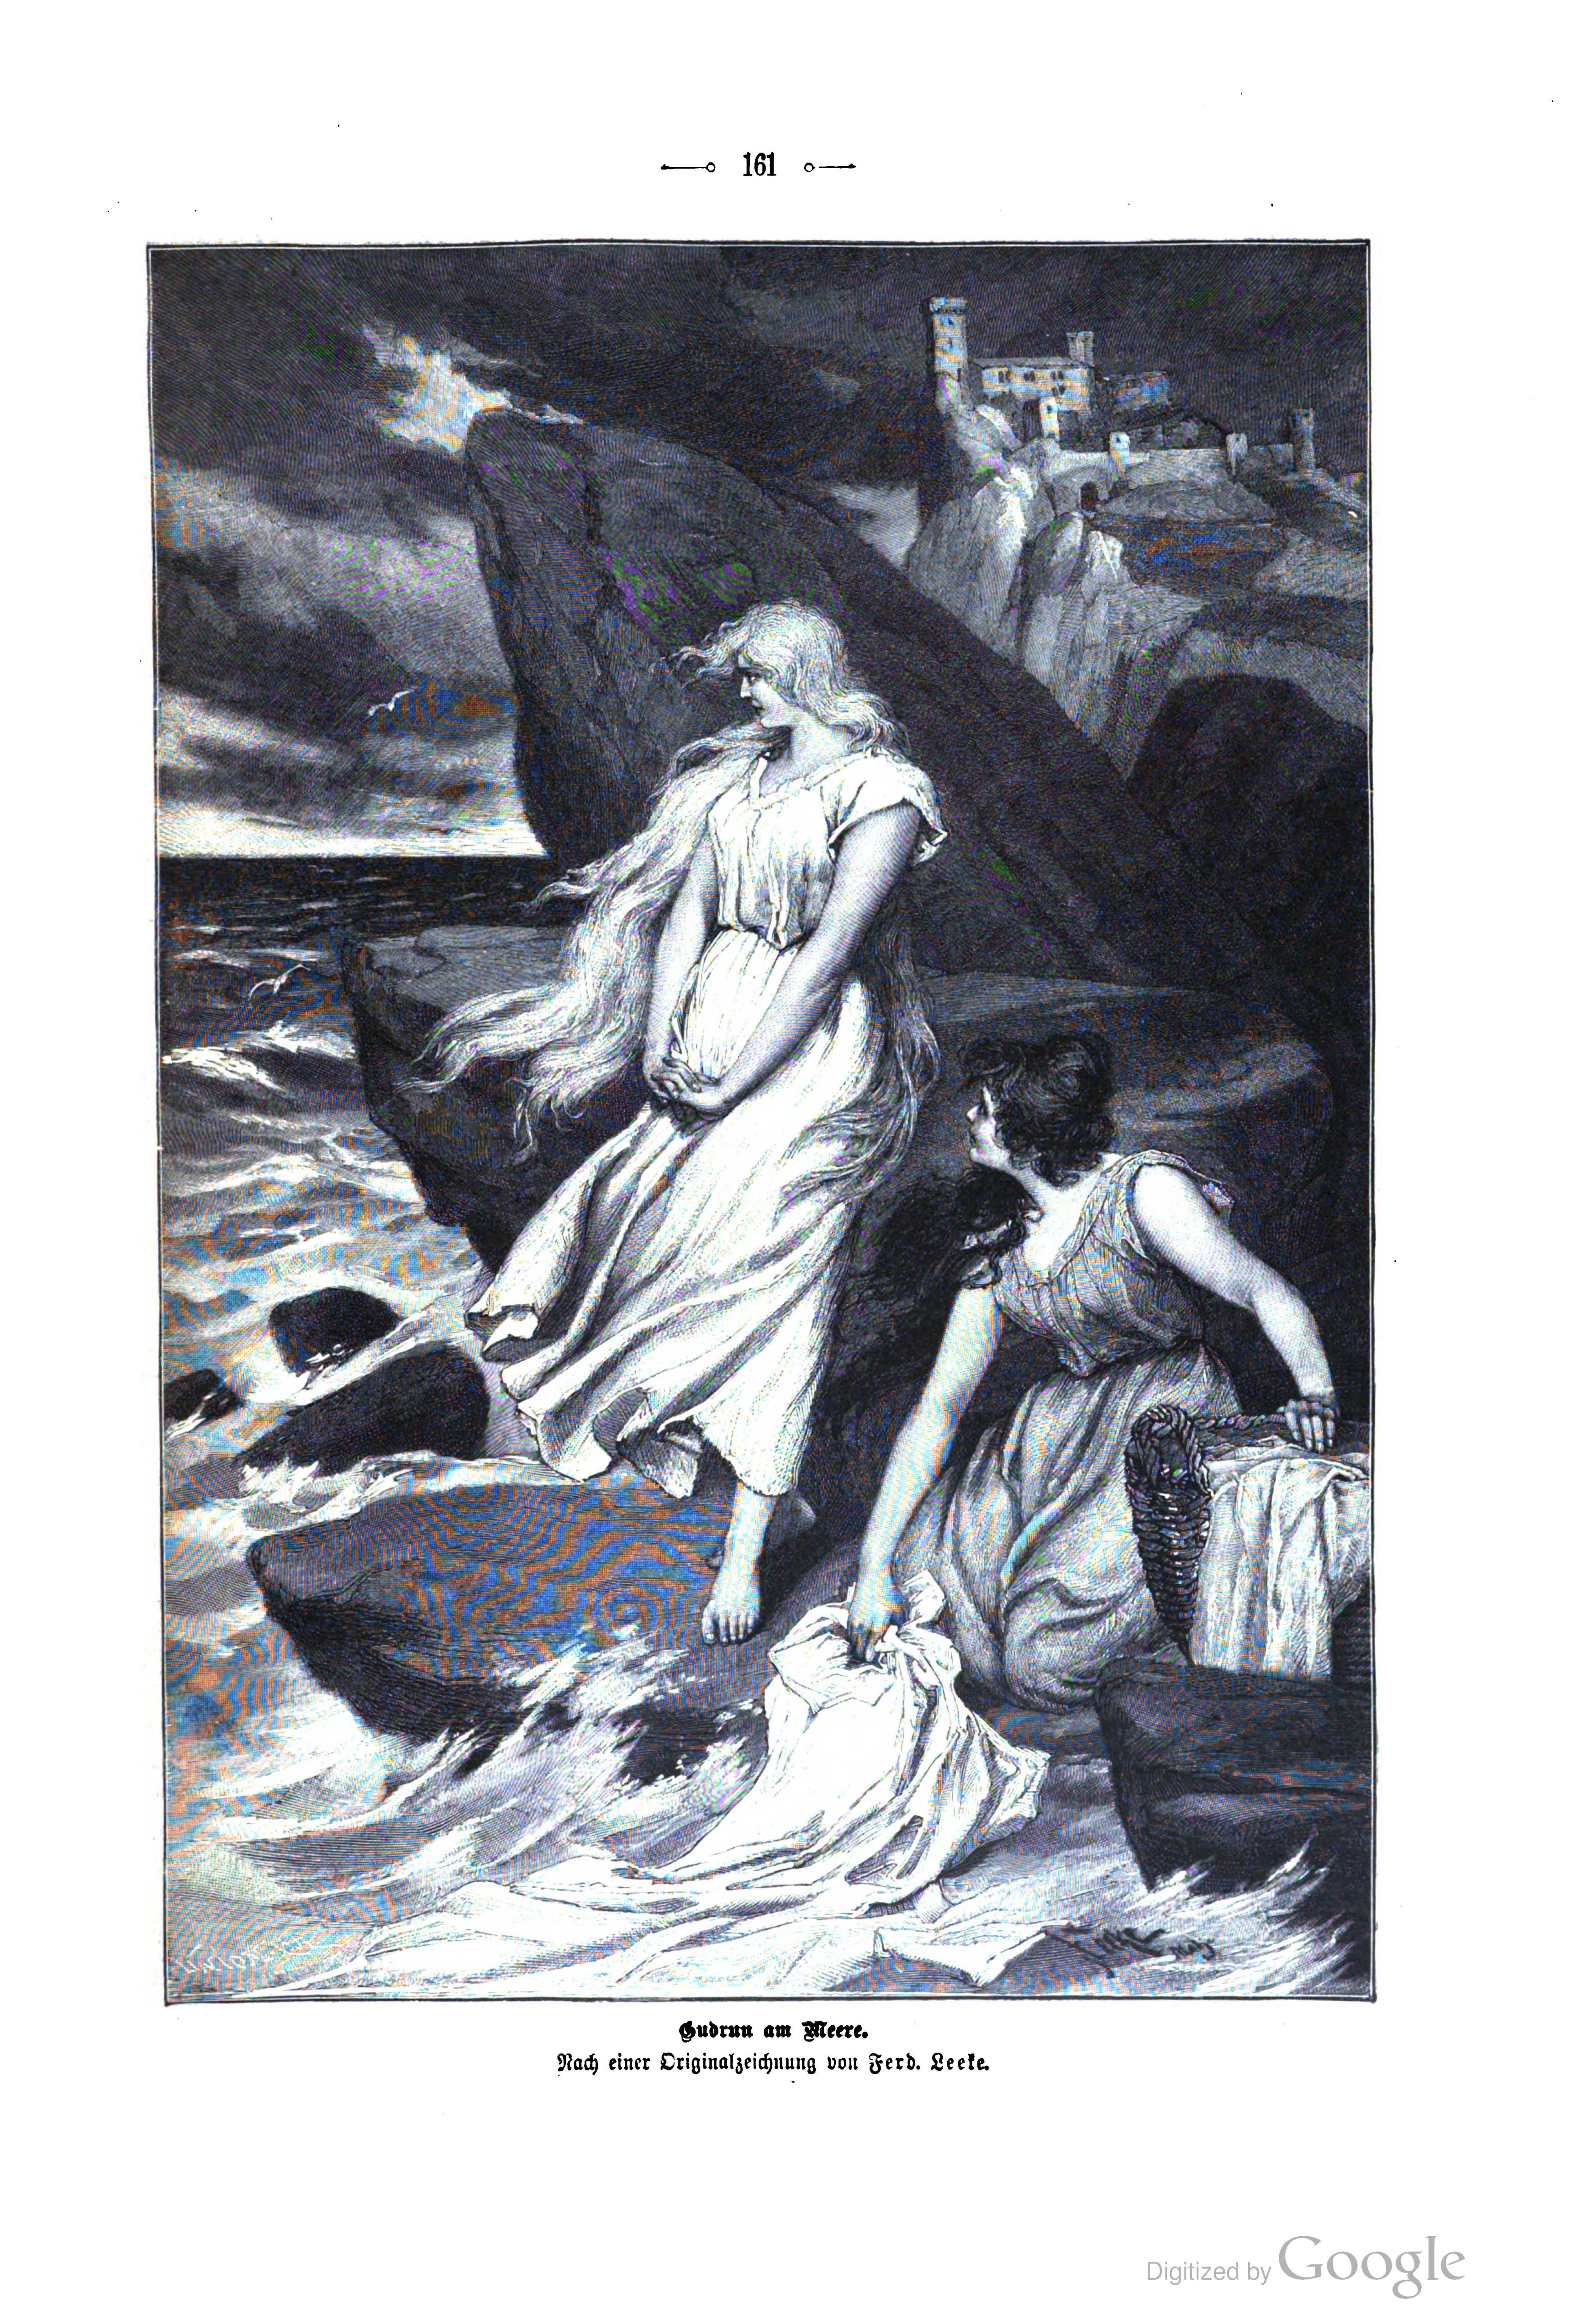Gudrun am Meere.
Nach einer Originalzeichnung von Ferd. Leeke.
